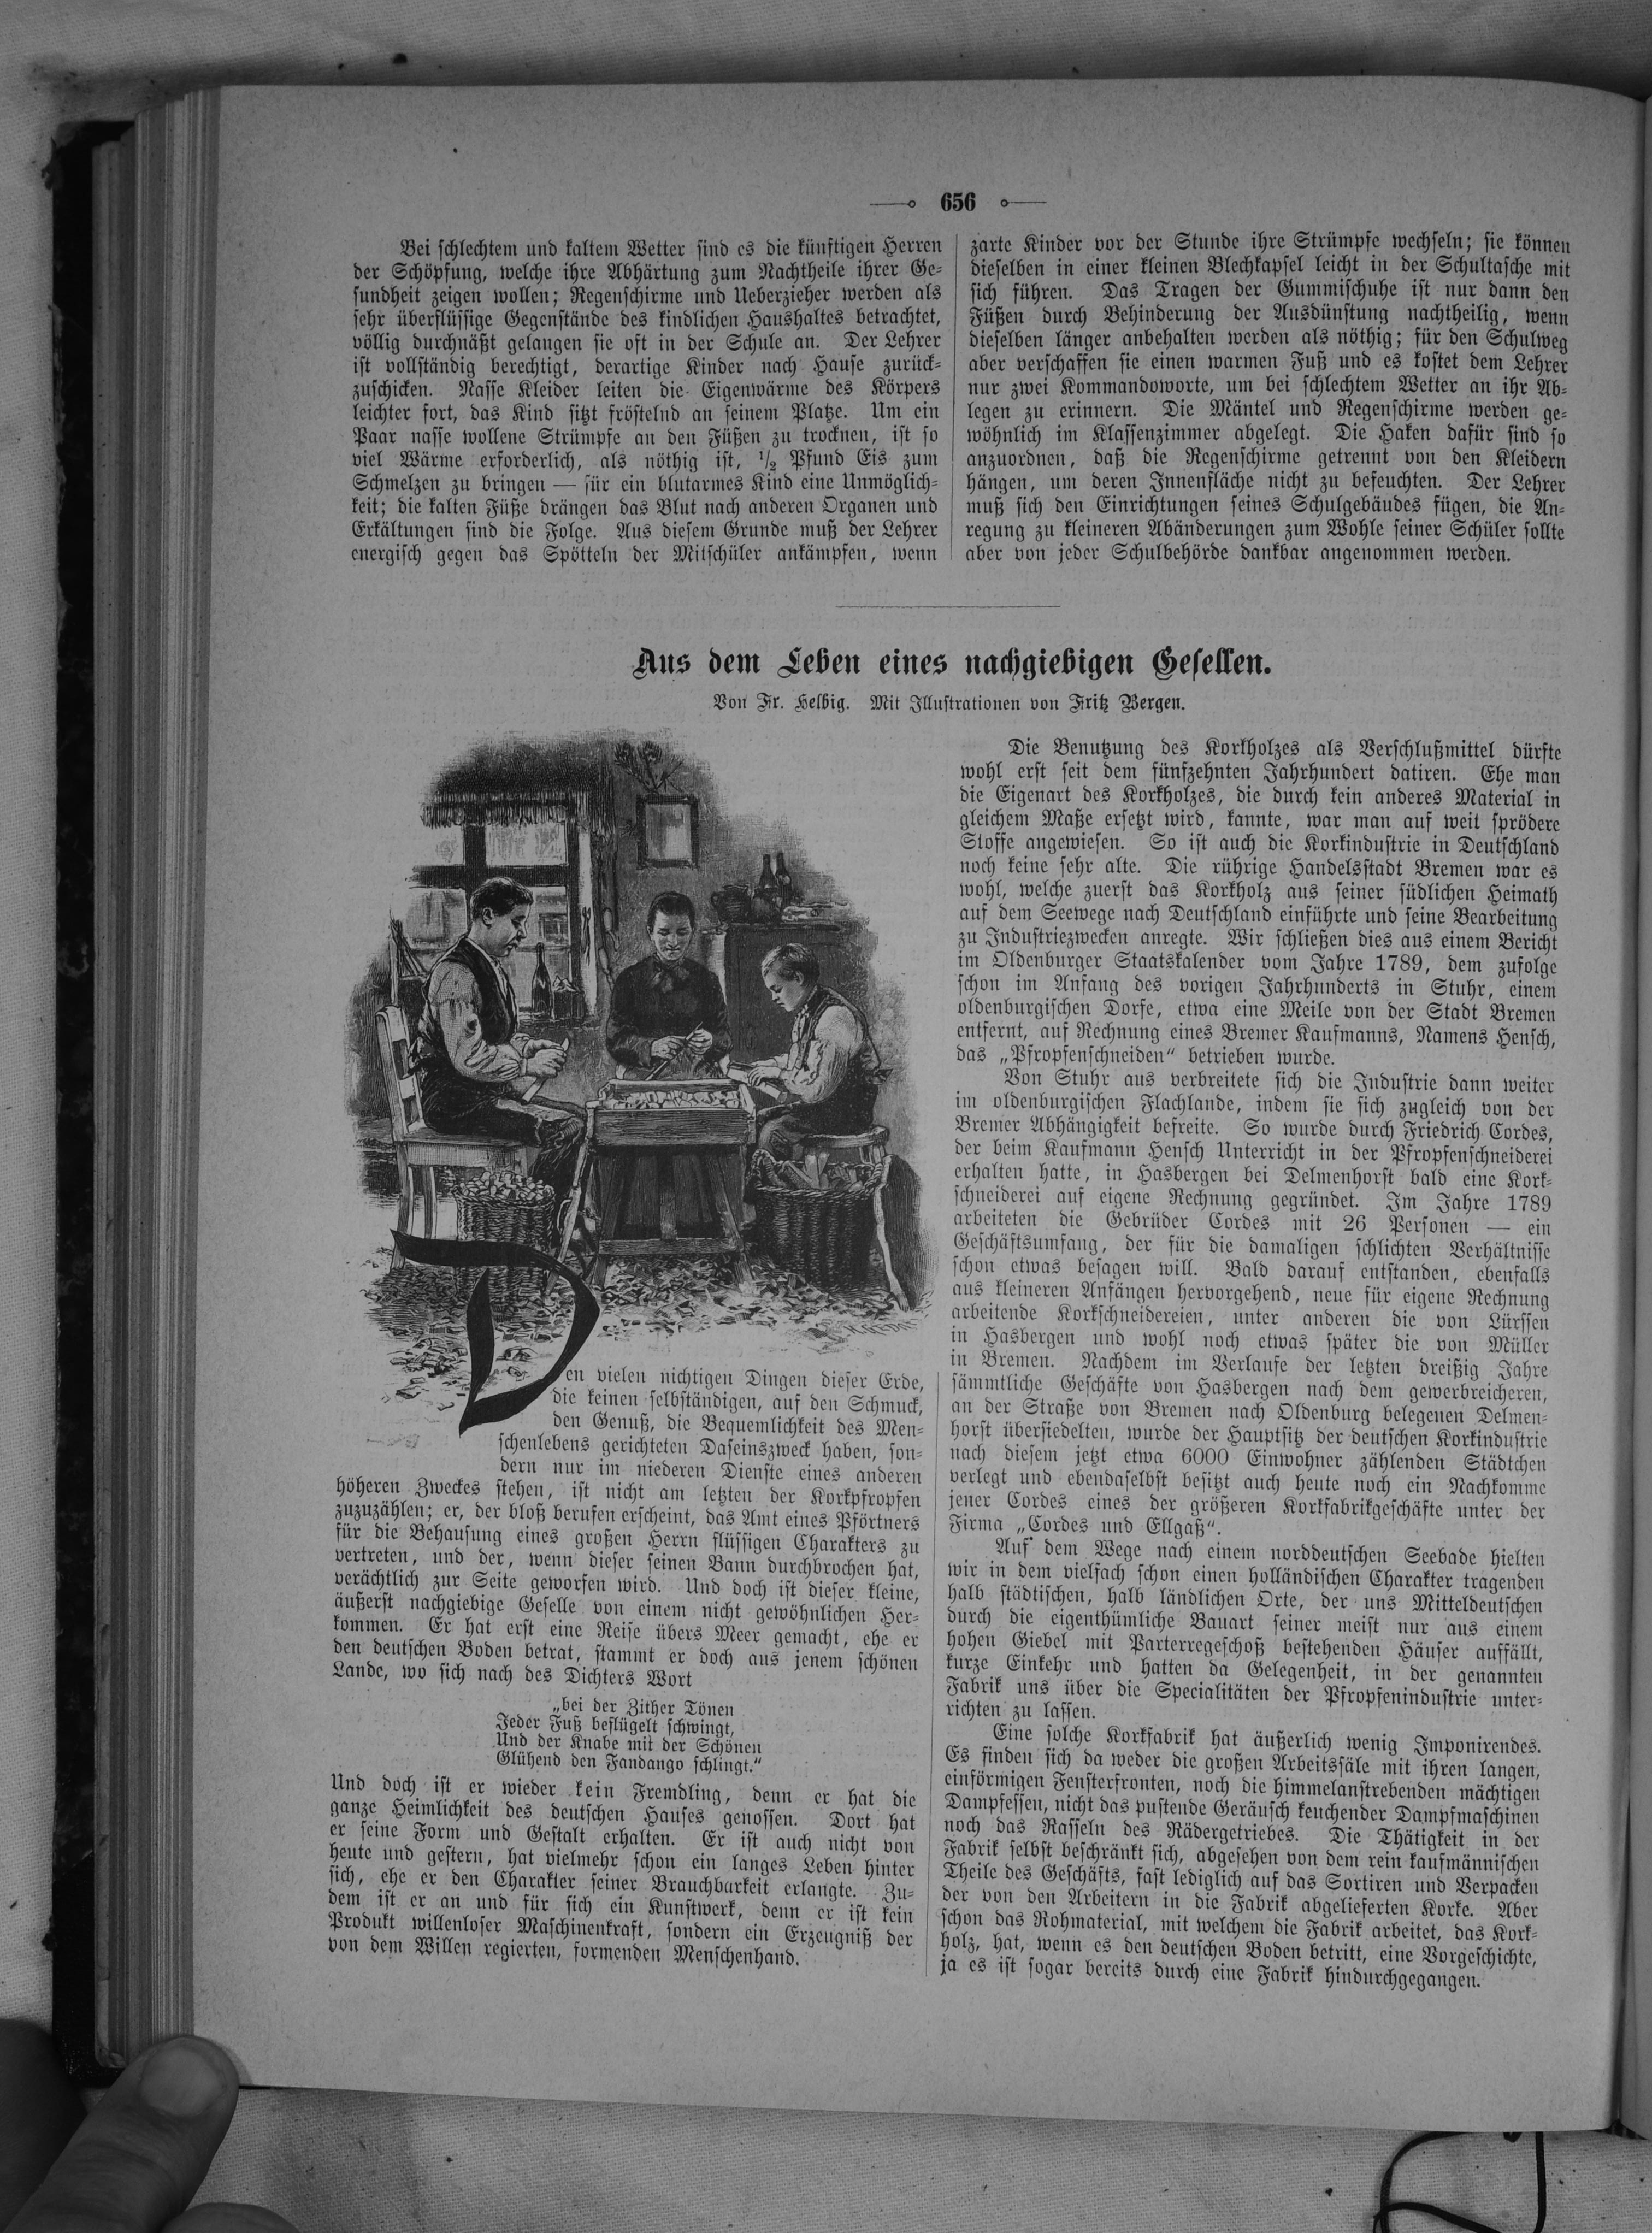Bei schlechtem und kaltem Wetter sind es die künftigen Herren der Schöpfung, welche ihre Abhärtung zum Nachtheile ihrer Gesundheit zeigen wollen; Regenschirme und Ueberzieher werden als sehr überflüssige Gegenstände des kindlichen Haushaltes betrachtet, völlig durchnäßt gelangen sie oft in der Schule an. Der Lehrer ist vollständig berechtigt, derartige Kinder nach Hause zurückzuschicken. Nasse Kleider leiten die Eigenwärme des Körpers leichter fort, das Kind sitzt fröstelnd an seinem Platze. Um ein Paar nasse wollene Strümpfe an den Füßen zu trocknen, ist so viel Wärme erforderlich, als nöthig ist, ½ Pfund Eis zum Schmelzen zu bringen – für ein blutarmes Kind eine Unmöglichkeit; die kalten Füße drängen das Blut nach anderen Organen und Erkältungen sind die Folge. Aus diesem Grunde muß der Lehrer energisch gegen das Spötteln der Mitschüler ankämpfen, wenn zarte Kinder vor der Stunde ihre Strümpfe wechseln; sie können dieselben in einer kleinen Blechkapsel leicht in der Schultasche mit sich führen. Das Tragen der Gummischuhe ist nur dann den Füßen durch Behinderung der Ausdünstung nachtheilig, wenn dieselben länger anbehalten werden als nöthig; für den Schulweg aber verschaffen sie einen warmen Fuß und es kostet dem Lehrer nur zwei Kommandoworte, um bei schlechtem Wetter an ihr Ablegen zu erinnern. Die Mäntel und Regenschirme werden gewöhnlich im Klassenzimmer abgelegt. Die Haken dafür sind so anzuordnen, daß die Regenschirme getrennt von den Kleidern hängen, um deren Innenfläche nicht zu befeuchten. Der Lehrer muß sich den Einrichtungen seines Schulgebäudes fügen, die Anregung zu kleineren Abänderungen zum Wohle seiner Schüler sollte aber von jeder Schulbehörde dankbar angenommen werden.

Aus dem Leben eines nachgiebigen Gesellen.
Von Fr. Helbig. Mit Illustrationen von Fritz Bergen.

Den vielen nichtigen Dingen dieser Erde, die keinen selbständigen, auf den Schmuck, den Genuß, die Bequemlichkeit des Menschenlebens gerichteten Daseinszweck haben, sondern nur im niederen Dienste eines anderen höheren Zweckes stehen, ist nicht am letzten der Korkpfropfen zuzuzählen; er, der bloß berufen erscheint, das Amt eines Pförtners für die Behausung eines großen Herrn flüssigen Charakters zu vertreten, und der, wenn dieser seinen Bann durchbrochen hat, verächtlich zur Seite geworfen wird. Und doch ist dieser kleine, äußerst nachgiebige Geselle von einem nicht gewöhnlichen Herkommen. Er hat erst eine Reise übers Meer gemacht, ehe er den deutschen Boden betrat, stammt er doch aus jenem schönen Lande, wo sich nach des Dichters Wort

„bei der Zither Tönen
Jeder Fuß beflügelt schwingt,
Und der Knabe mit der Schönen
Glühend den Fandango schlingt.“

Und doch ist er wieder kein Fremdling, denn er hat die ganze Heimlichkeit des deutschen Hauses genossen. Dort hat er seine Form und Gestalt erhalten. Er ist auch nicht von heute und gestern, hat vielmehr schon ein langes Leben hinter sich, ehe er den Charakter seiner Brauchbarkeit erlangte. Zudem ist er an und für sich ein Kunstwerk, denn er ist kein Produkt willenloser Maschinenkraft, sondern ein Erzeugniß der von dem Willen regierten, formenden Menschenhand.

Die Benutzung des Korkholzes als Verschlußmittel dürfte wohl erst seit dem fünfzehnten Jahrhundert datiren. Ehe man die Eigenart des Korkholzes, die durch kein anderes Material in gleichem Maße ersetzt wird, kannte, war man auf weit sprödere Stoffe angewiesen. So ist auch die Korkindustrie in Deutschland noch keine sehr alte. Die rührige Handelsstadt Bremen war es wohl, welche zuerst das Korkholz aus seiner südlichen Heimath auf dem Seewege nach Deutschland einführte und seine Bearbeitung zu Industriezwecken anregte. Wir schließen dies aus einem Bericht im Oldenburger Staatskalender vom Jahre 1789, dem zufolge schon im Anfang des vorigen Jahrhunderts in Stuhr, einem oldenburgischen Dorfe, etwa eine Meile von der Stadt Bremen entfernt, auf Rechnung eines Bremer Kaufmanns, Namens Hensch, das „Pfropfenschneiden“ betrieben wurde.

Von Stuhr aus verbreitete sich die Industrie dann weiter im oldenburgischen Flachlande, indem sie sich zugleich von der Bremer Abhängigkeit befreite. So wurde durch Friedrich Cordes, der beim Kaufmann Hensch Unterricht in der Pfropfenschneiderei erhalten hatte, in Hasbergen bei Delmenhorst bald eine Korkschneiderei auf eigene Rechnung gegründet. Im Jahre 1789 arbeiteten die Gebrüder Cordes mit 26 Personen – ein Geschäftsumfang, der für die damaligen schlichten Verhältnisse schon etwas besagen will. Bald darauf entstanden, ebenfalls aus kleineren Anfängen hervorgehend, neue für eigene Rechnung arbeitende Korkschneidereien, unter anderen die von Lürssen in Hasbergen und wohl noch etwas später die von Müller in Bremen. Nachdem im Verlaufe der letzten dreißig Jahre sämmtliche Geschäfte von Hasbergen nach dem gewerbreicheren, an der Straße von Bremen nach Oldenburg belegenen Delmenhorst übersiedelten, wurde der Hauptsitz der deutschen Korkindustrie nach diesem jetzt etwa 6000 Einwohner zählenden Städtchen verlegt und ebendaselbst besitzt auch heute noch ein Nachkomme jener Cordes eines der größeren Korkfabrikgeschäfte unter der Firma „Cordes und Ellgaß“.

Auf dem Wege nach einem norddeutschen Seebade hielten wir in dem vielfach schon einen holländischen Charakter tragenden halb städtischen, halb ländlichen Orte, der uns Mitteldeutschen durch die eigenthümliche Bauart seiner meist nur aus einem hohen Giebel mit Parterregeschoß bestehenden Häuser auffällt, kurze Einkehr und hatten da Gelegenheit, in der genannten Fabrik uns über die Specialitäten der Pfropfenindustrie unterrichten zu lassen.

Eine solche Korkfabrik hat äußerlich wenig Imponirendes. Es finden sich da weder die großen Arbeitssäle mit ihren langen, einförmigen Fensterfronten, noch die himmelanstrebenden mächtigen Dampfessen, nicht das pustende Geräusch keuchender Dampfmaschinen noch das Rasseln des Rädergetriebes. Die Thätigkeit in der Fabrik selbst beschränkt sich, abgesehen von dem rein kaufmännischen Theile des Geschäfts, fast lediglich auf das Sortiren und Verpacken der von den Arbeitern in die Fabrik abgelieferten Korke. Aber schon das Rohmaterial, mit welchem die Fabrik arbeitet, das Korkholz, hat, wenn es den deutschen Boden betritt, eine Vorgeschichte, ja es ist sogar bereits durch eine Fabrik hindurchgegangen.
